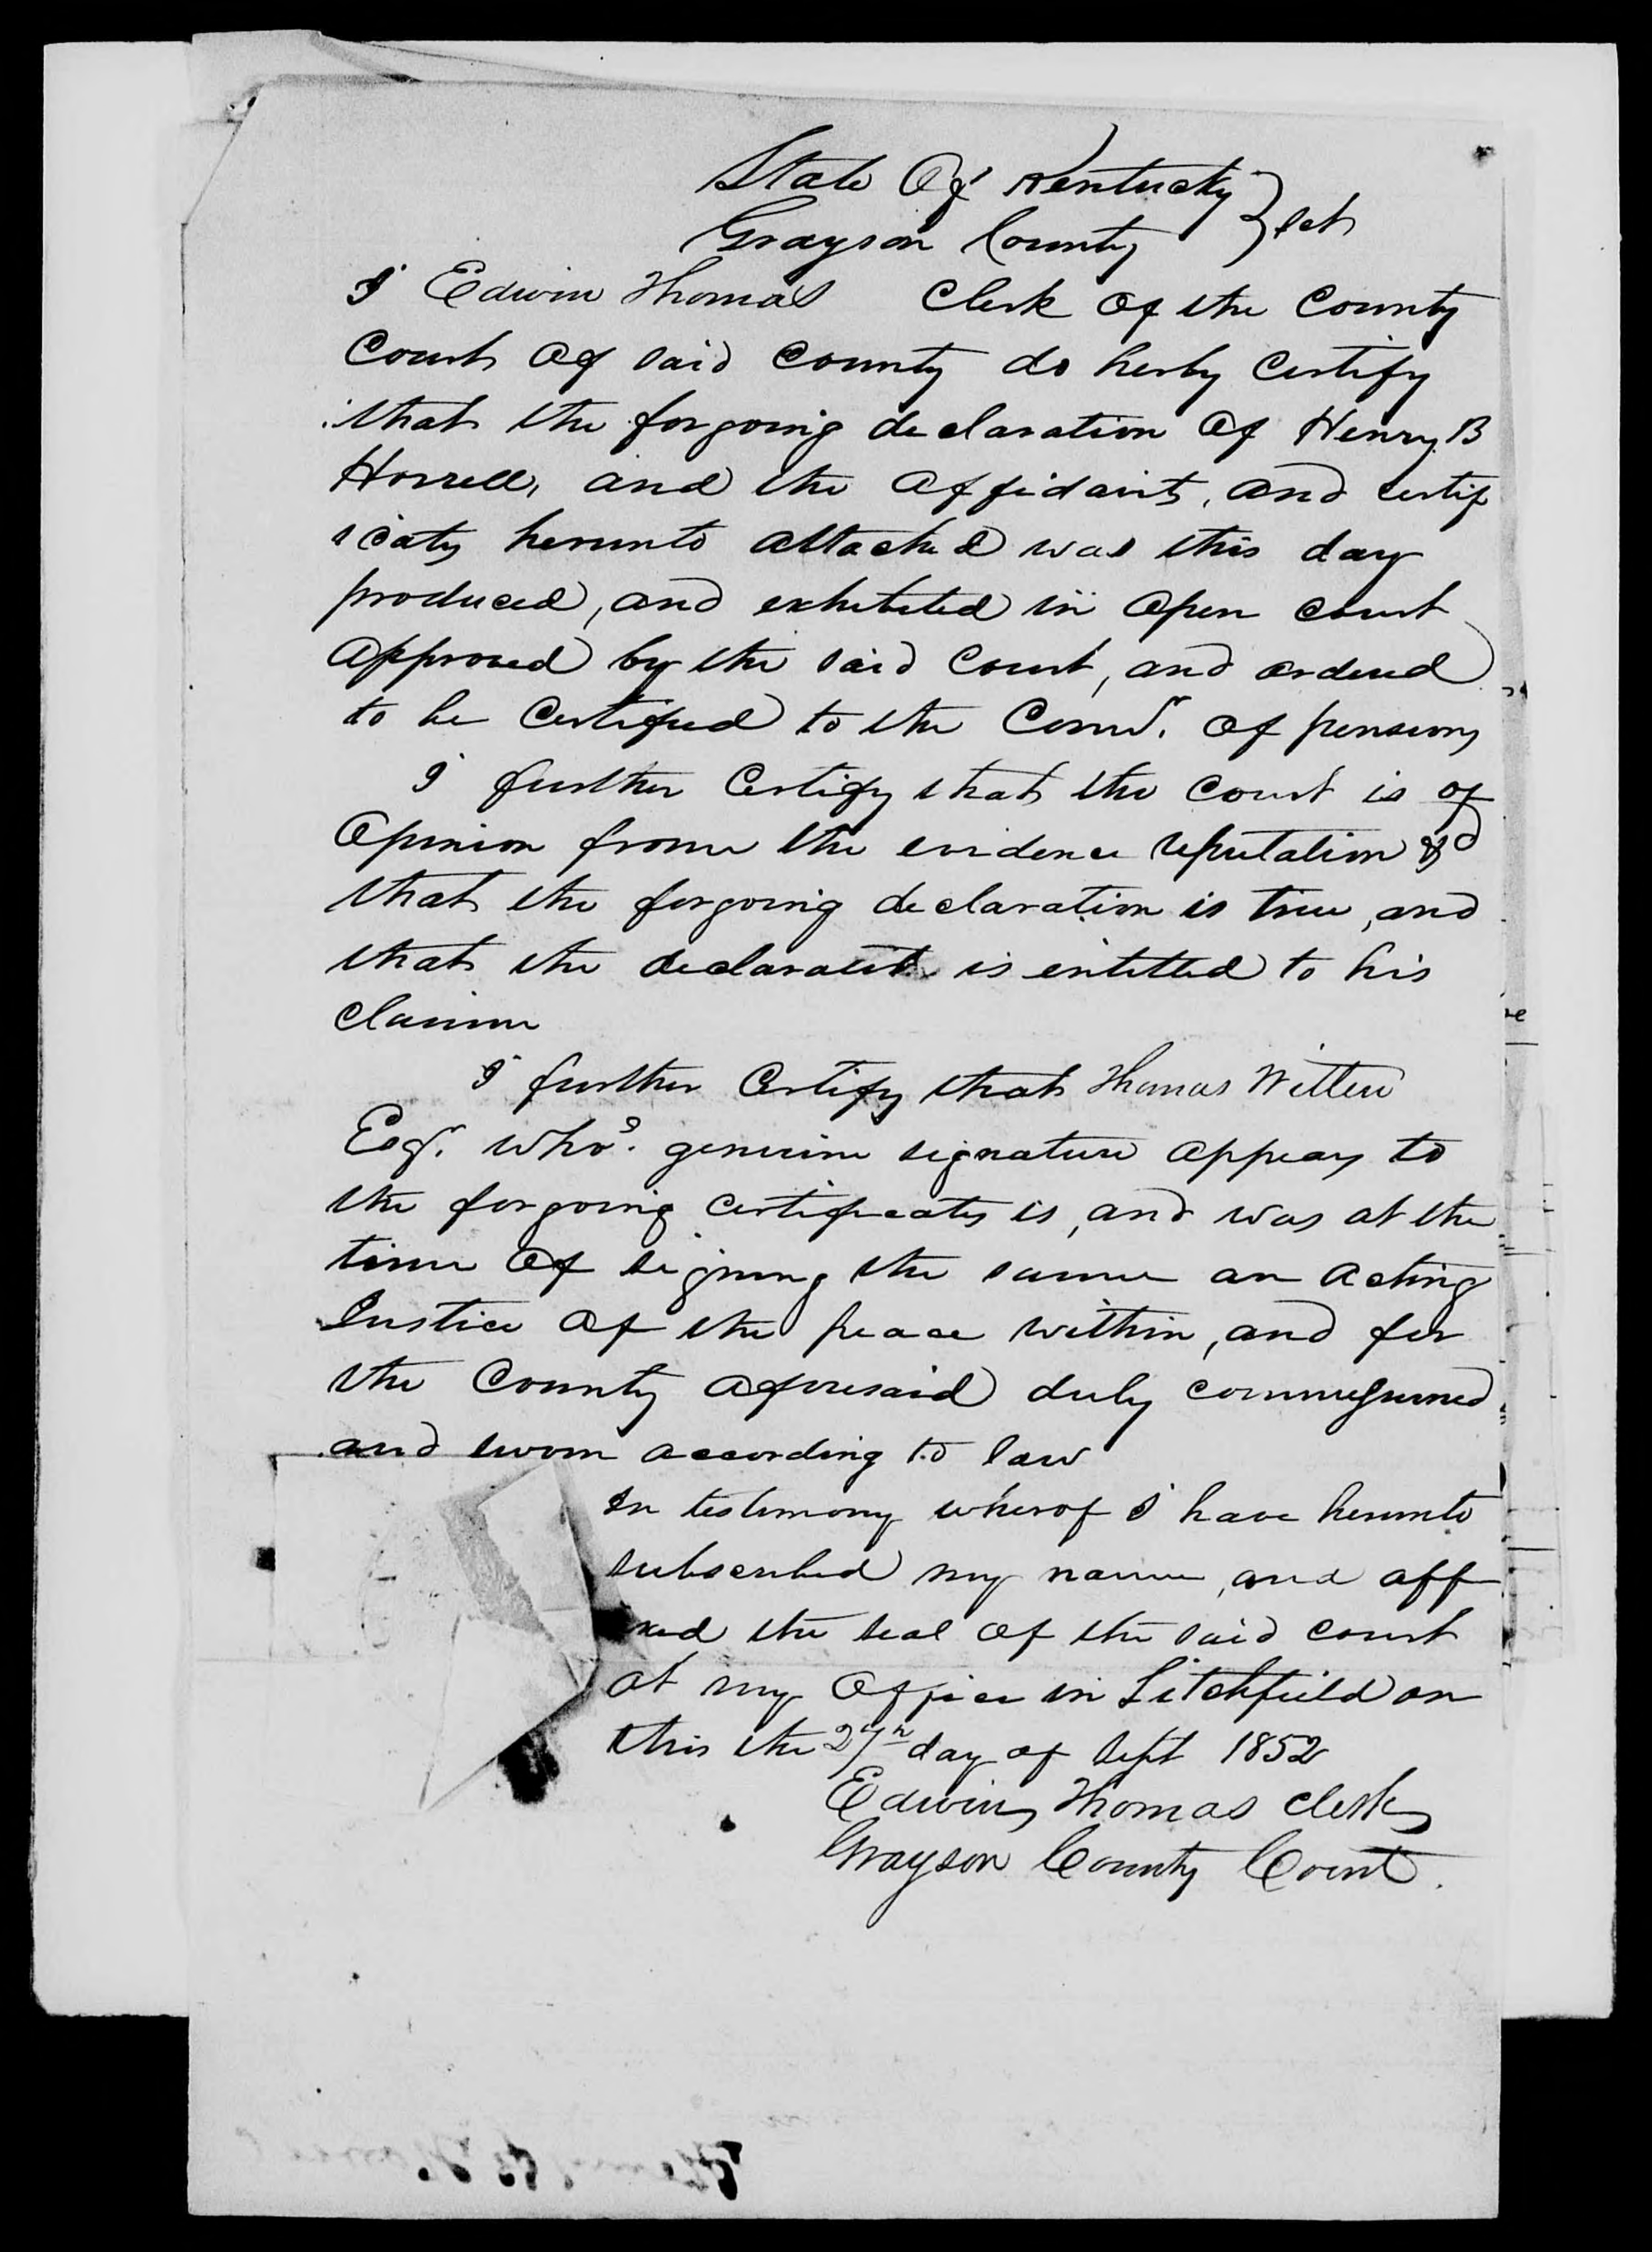State of Kentucky  }
Grayson County    } set
I Edwin Thomas clerk of the county court of said county do hereby certify that the forgoing declaration of Henry B. Horrell, and the affidavits and certificates hereunto attached was this day produced, and exhibited in open court approved by the said court, and ordered to be certified to the pension. 
I further certify that the court is of opinion from the evidence refutation and that the forgoing declaration is true, and that the declarant is entitled to his claim.
I further certify that Thomas Witten Esq who genuine signature appears to the forgoing certificates is, and was at the time of signing the same an acting Justice of the peace within, and for the country aforesaid duly commissioned and sworn according to law.
In testimony whereof I have hereunto subscribed my name and affixed the seal of the said court of my office in Litchfield on this the 27th day of Sept 1852
Edwin Thomas clerk
Grayson County Court
[illegible paper seal attached]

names: Edwin Thomas, Thomas Witten, Henry B Horrell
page: 11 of 15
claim: rejected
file: R. 5234, Henry B Horrell, Md.